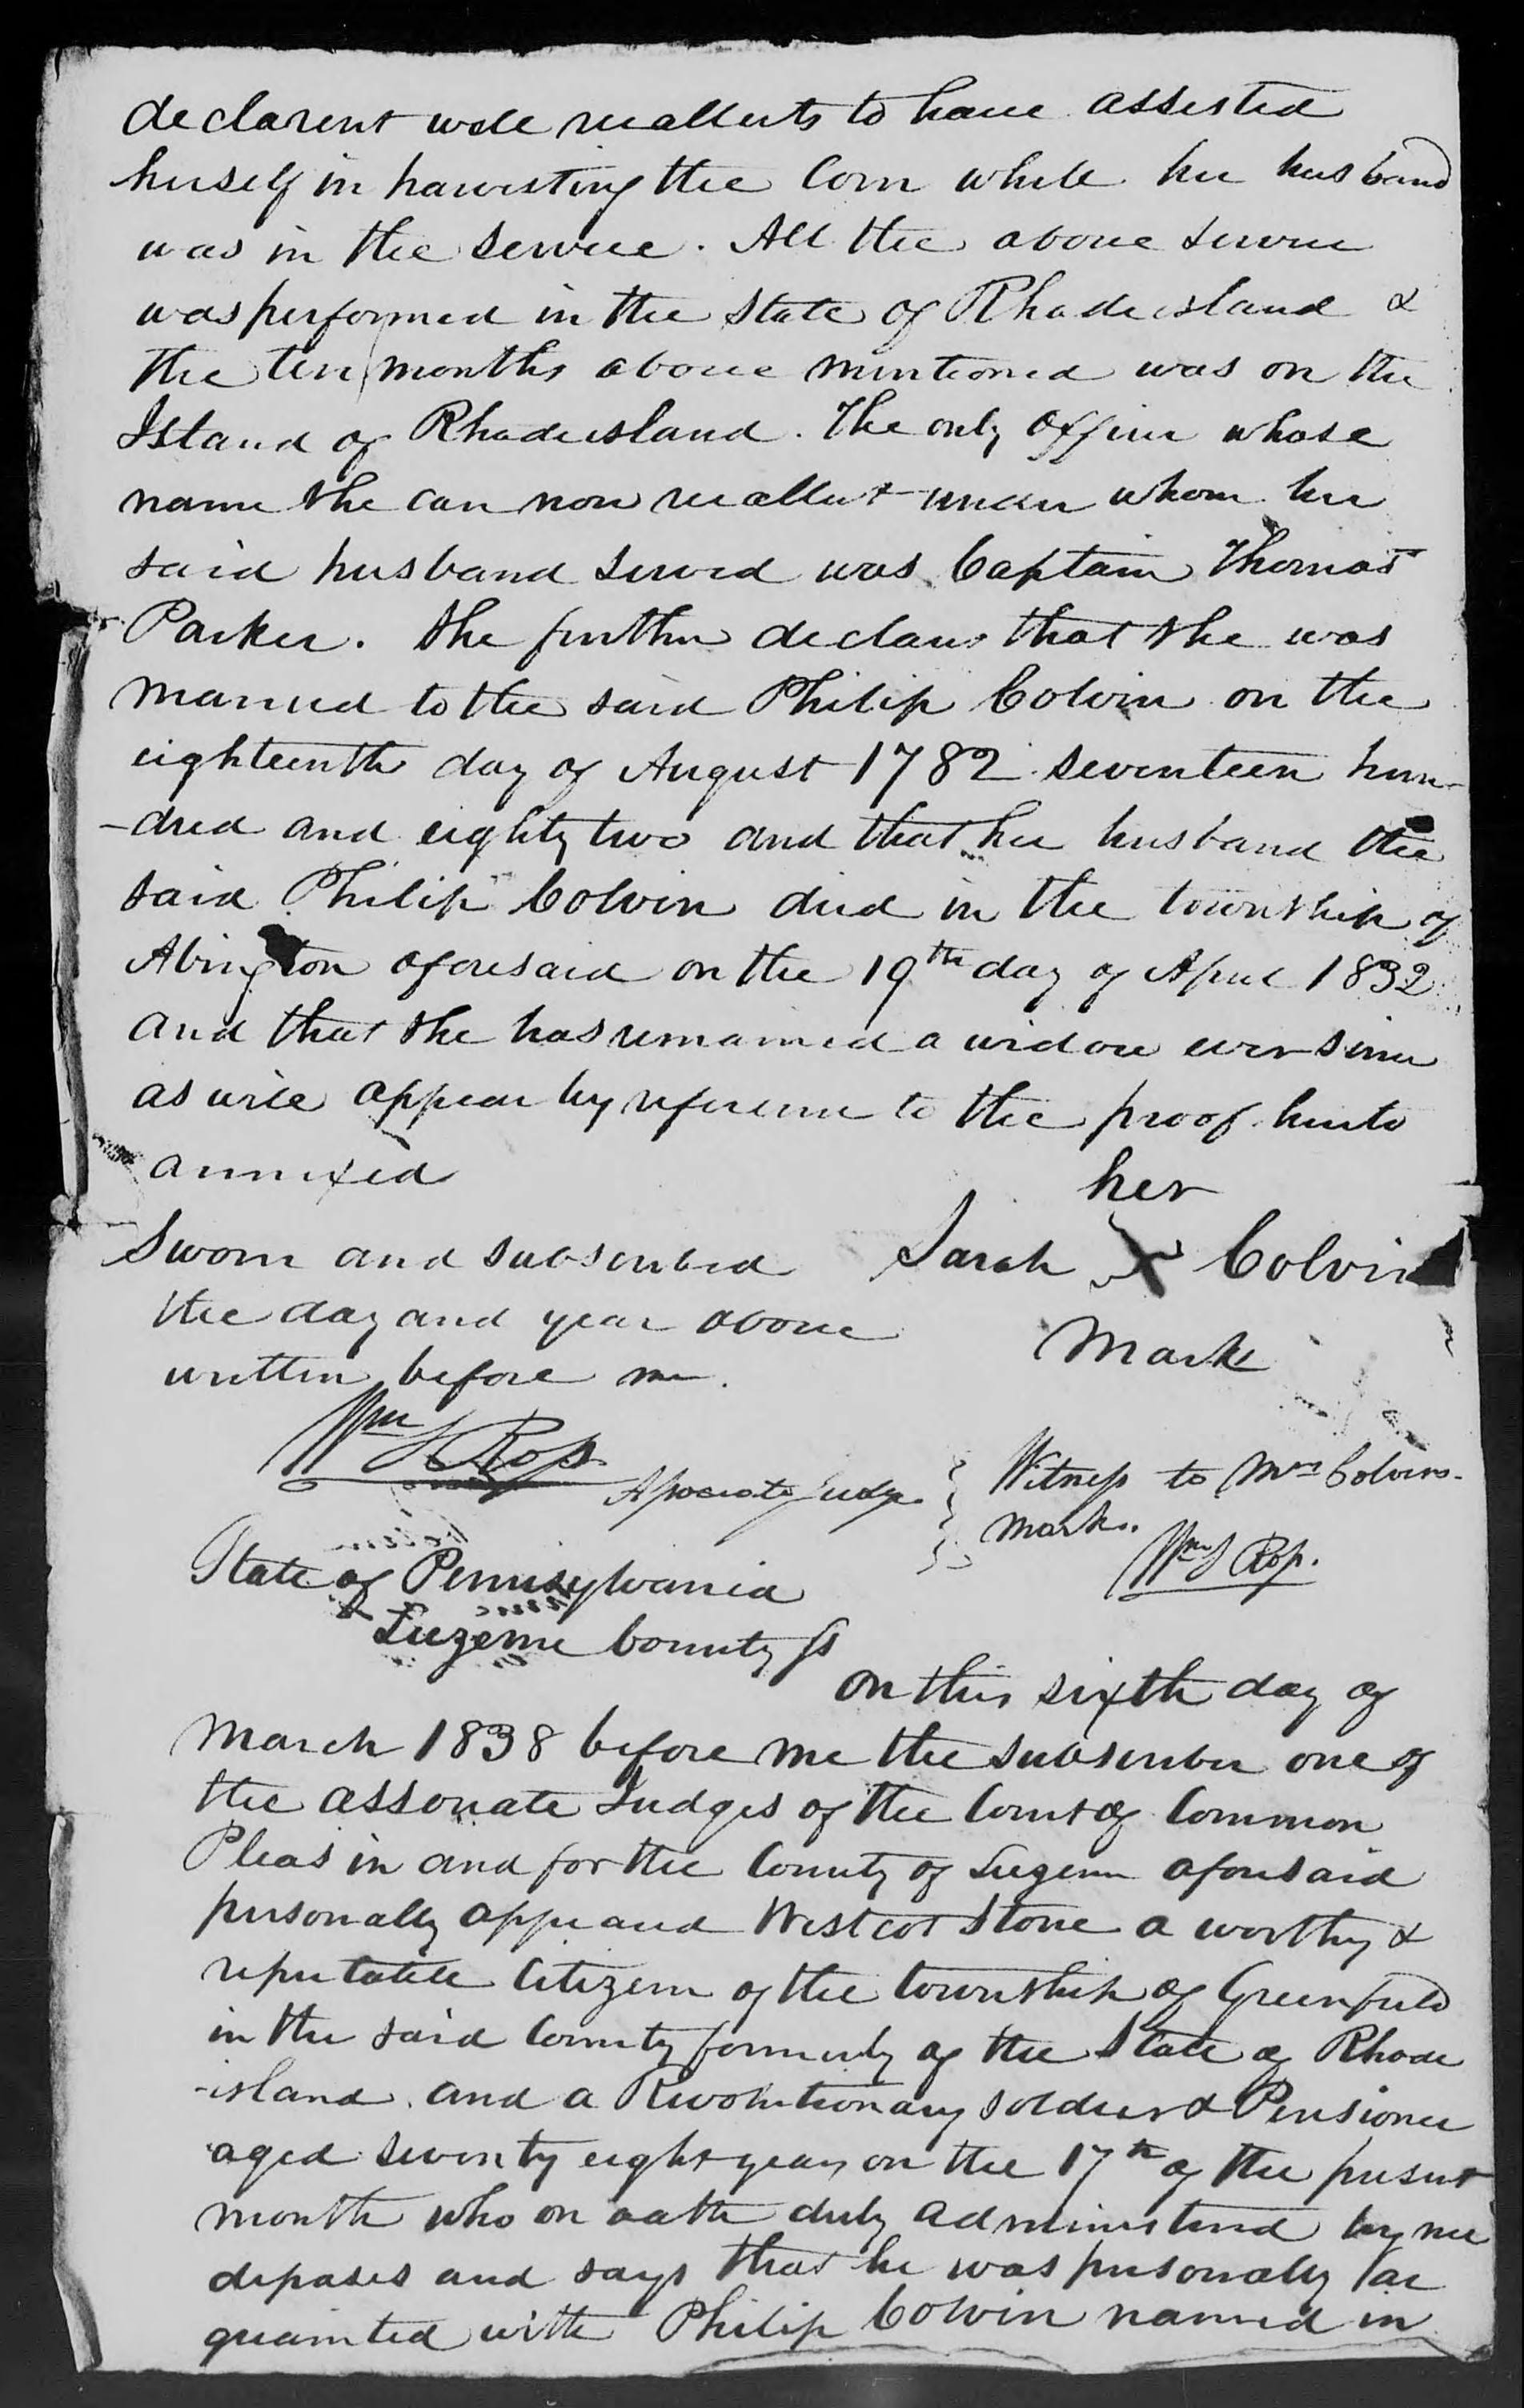declarent well recollects to have assisted herself in harvesting the corn while her husband was in the service. All the above service was performed in the state of Rhode Island & the ten months above mentioned was on the Island of Rhode Island. The only officer whose name she can now recollect under whom her said husband served was Captain Thomas Parker. She further declares that she was married to the said Philip Colvin on the eighteenth day of August 1782 seventeen hundred and eighty two and that her husband the said Philip Colvin died in the township of Abington aforesaid on the 10th day of April 1833. And that she has remained a widow ever since as will appear by reference to the proof hereto annexed.
Sarah Colvin - X her mark

Sworn and subscribed the day and year above written before me.
Wm. S. Ross Associate Judge

Witness to Mrs. Colvins mark. Wm S. Ross

State of Pennsylvania Luzerne County ss
On this sixth day of March 1838 before me the subscriber one of the Associate Judges of the Court of Common Pleas in and for the county of Luzerne aforesaid personally appeared Westcot Stone a worthy & repectable citizen of the township of Greenfield in the said county formerly of the state of Rhode Island and a Revolutionary soldier & pensioner aged seventy eight years on the 17th of the present month who on oath duly administered by me deposes and says that he was personally acquainted with Philip Colvin named in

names: Philip Colvin, Thomas Parker, Philip Colvin, Wm S Ross, Colvin, Wm S Ross, Westcot Stone, Sarah Colvin, Philip Colvin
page: 5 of 41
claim: widow's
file: W. 3513, Philip Colvin, R.I.